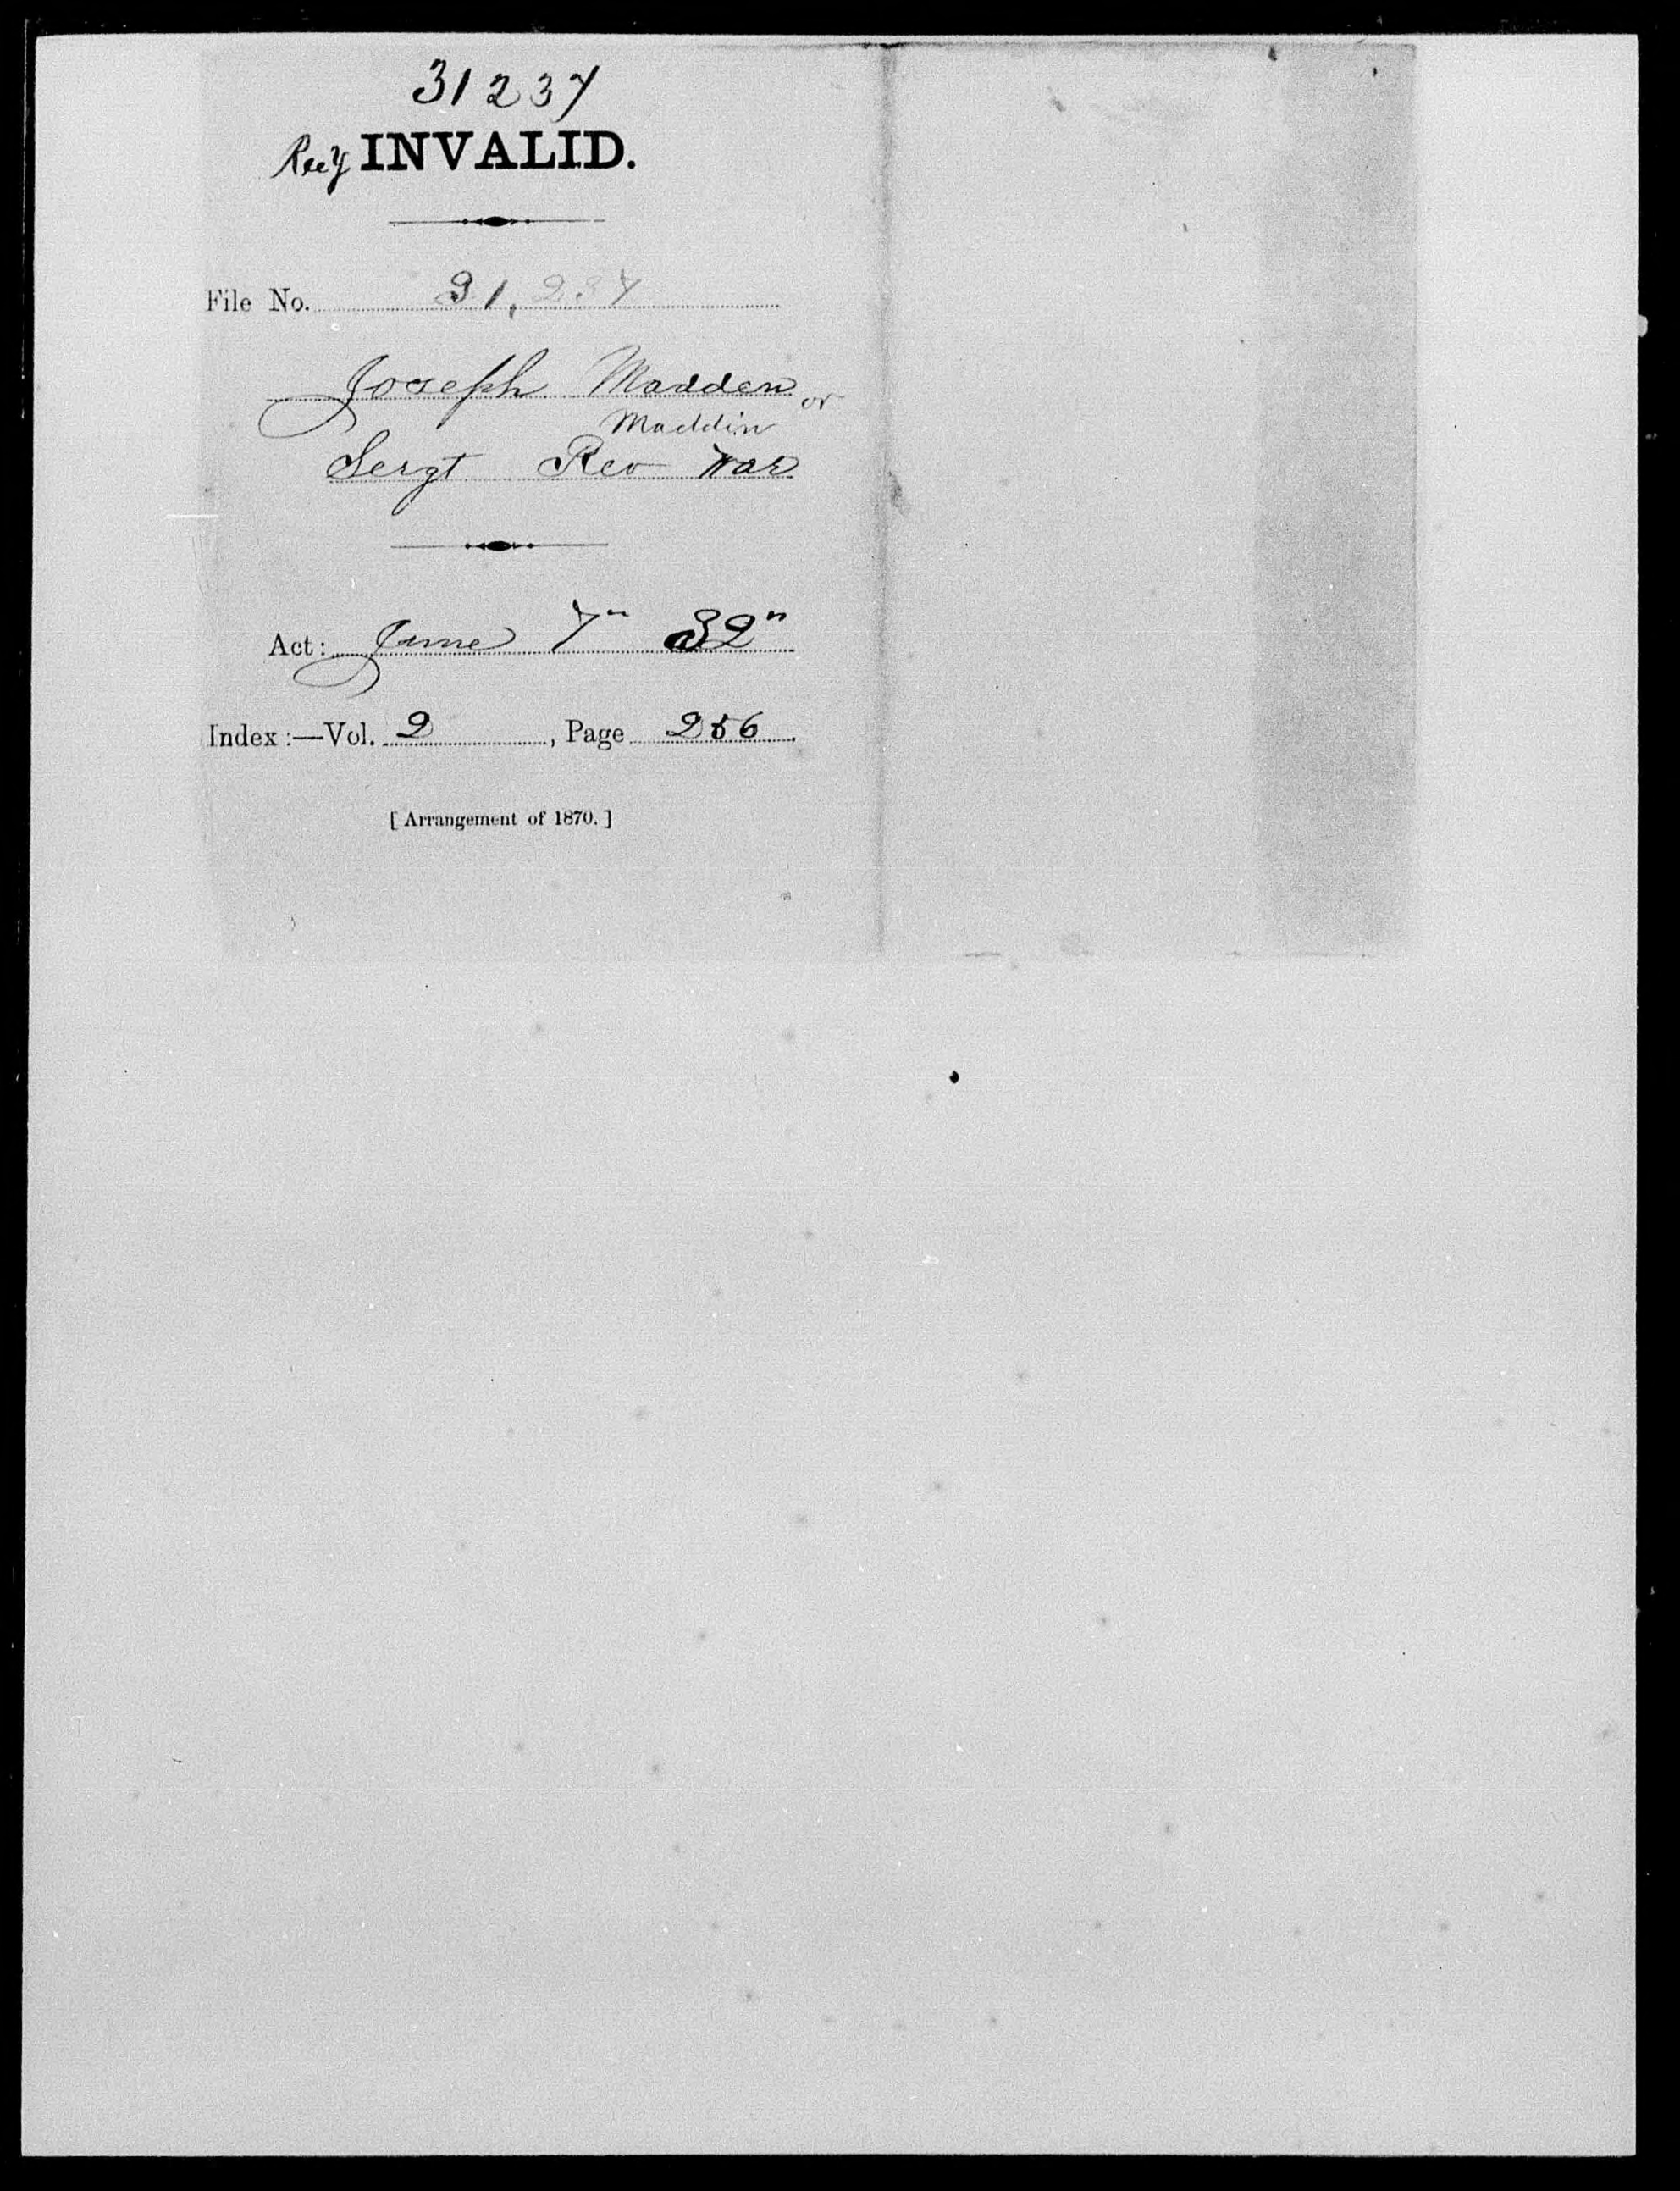31237
Revy INVALID
---
File No. 21,237
Joseph Madden or Maddin
Sergt Rev War
---
Act: June 7th 32
Index: - Vol. 2, Page 286
[Arrangement of 1870]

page: 11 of 14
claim: survivor's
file: S 31237, for Joseph Maddin, Maryland